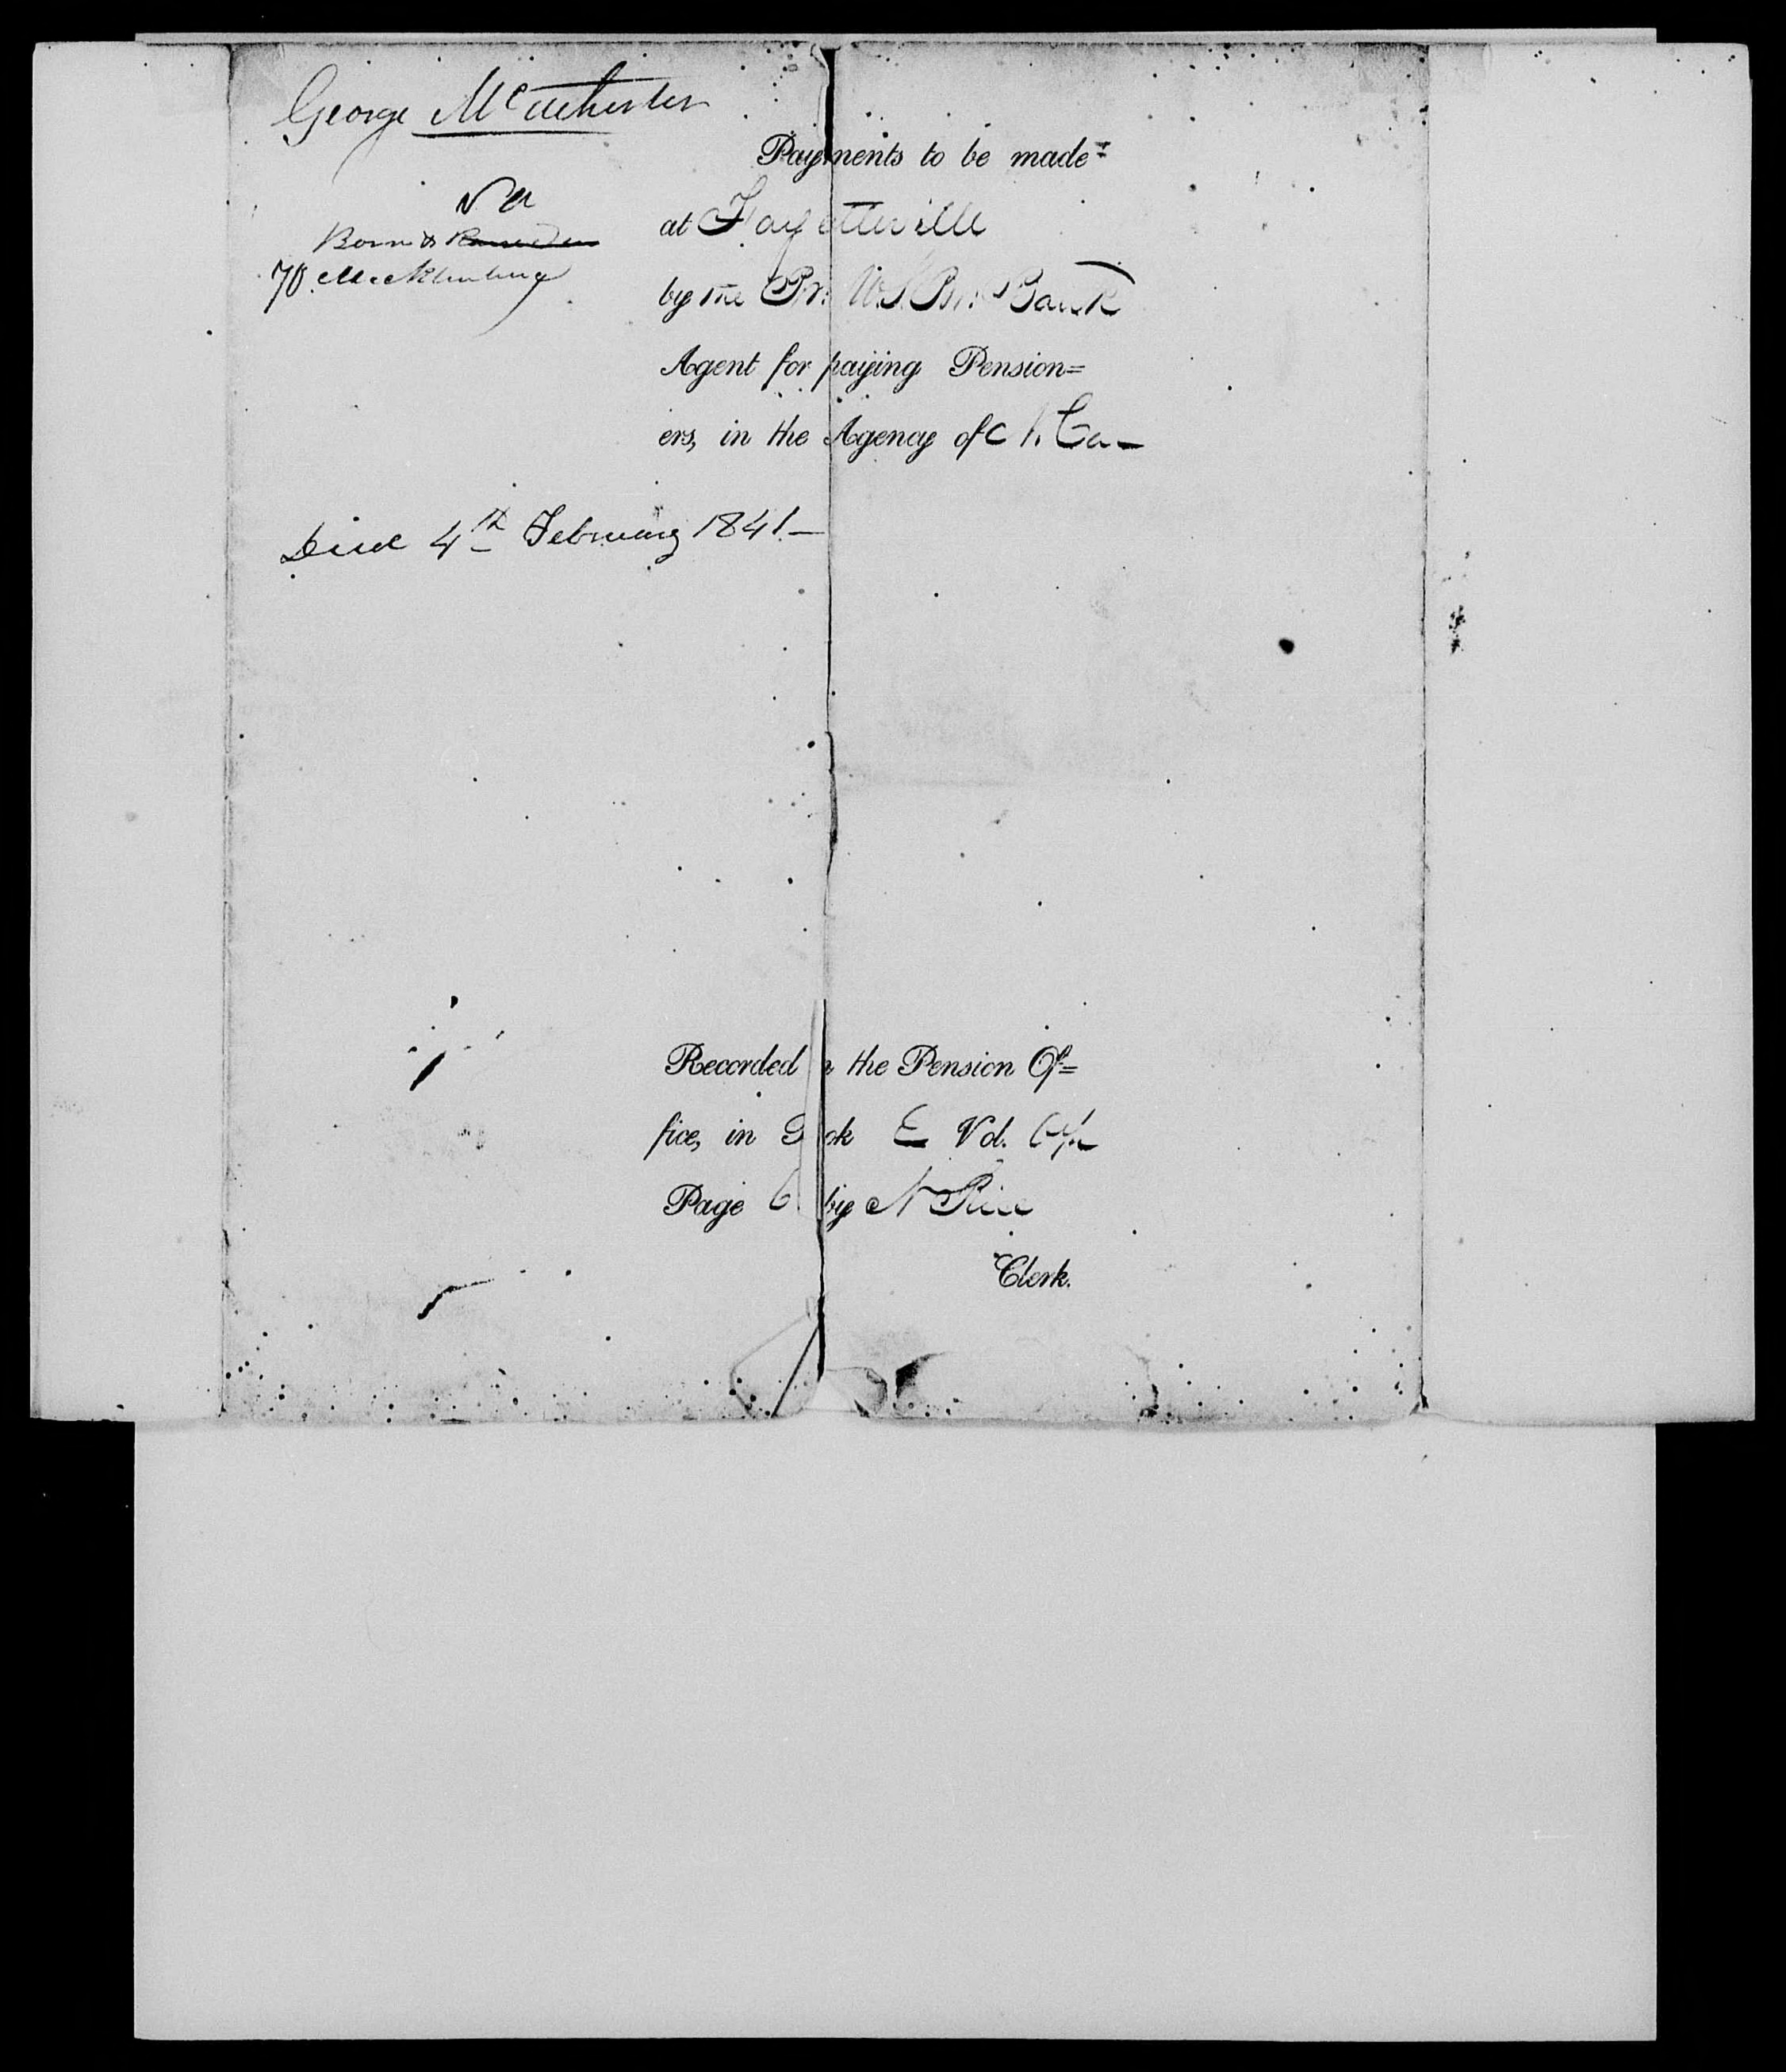George McWhorter Born in Va. 70 Mecklenburg  Died 4th February 1841  Payments to be made at Fayetteville by the  Pr: U.S. Am : Bank Agent for paying Pensioners, in the Agency of N.C.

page: 18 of 35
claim: survivor's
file: S. 9,011, for George Mc Whorter, North Carolina